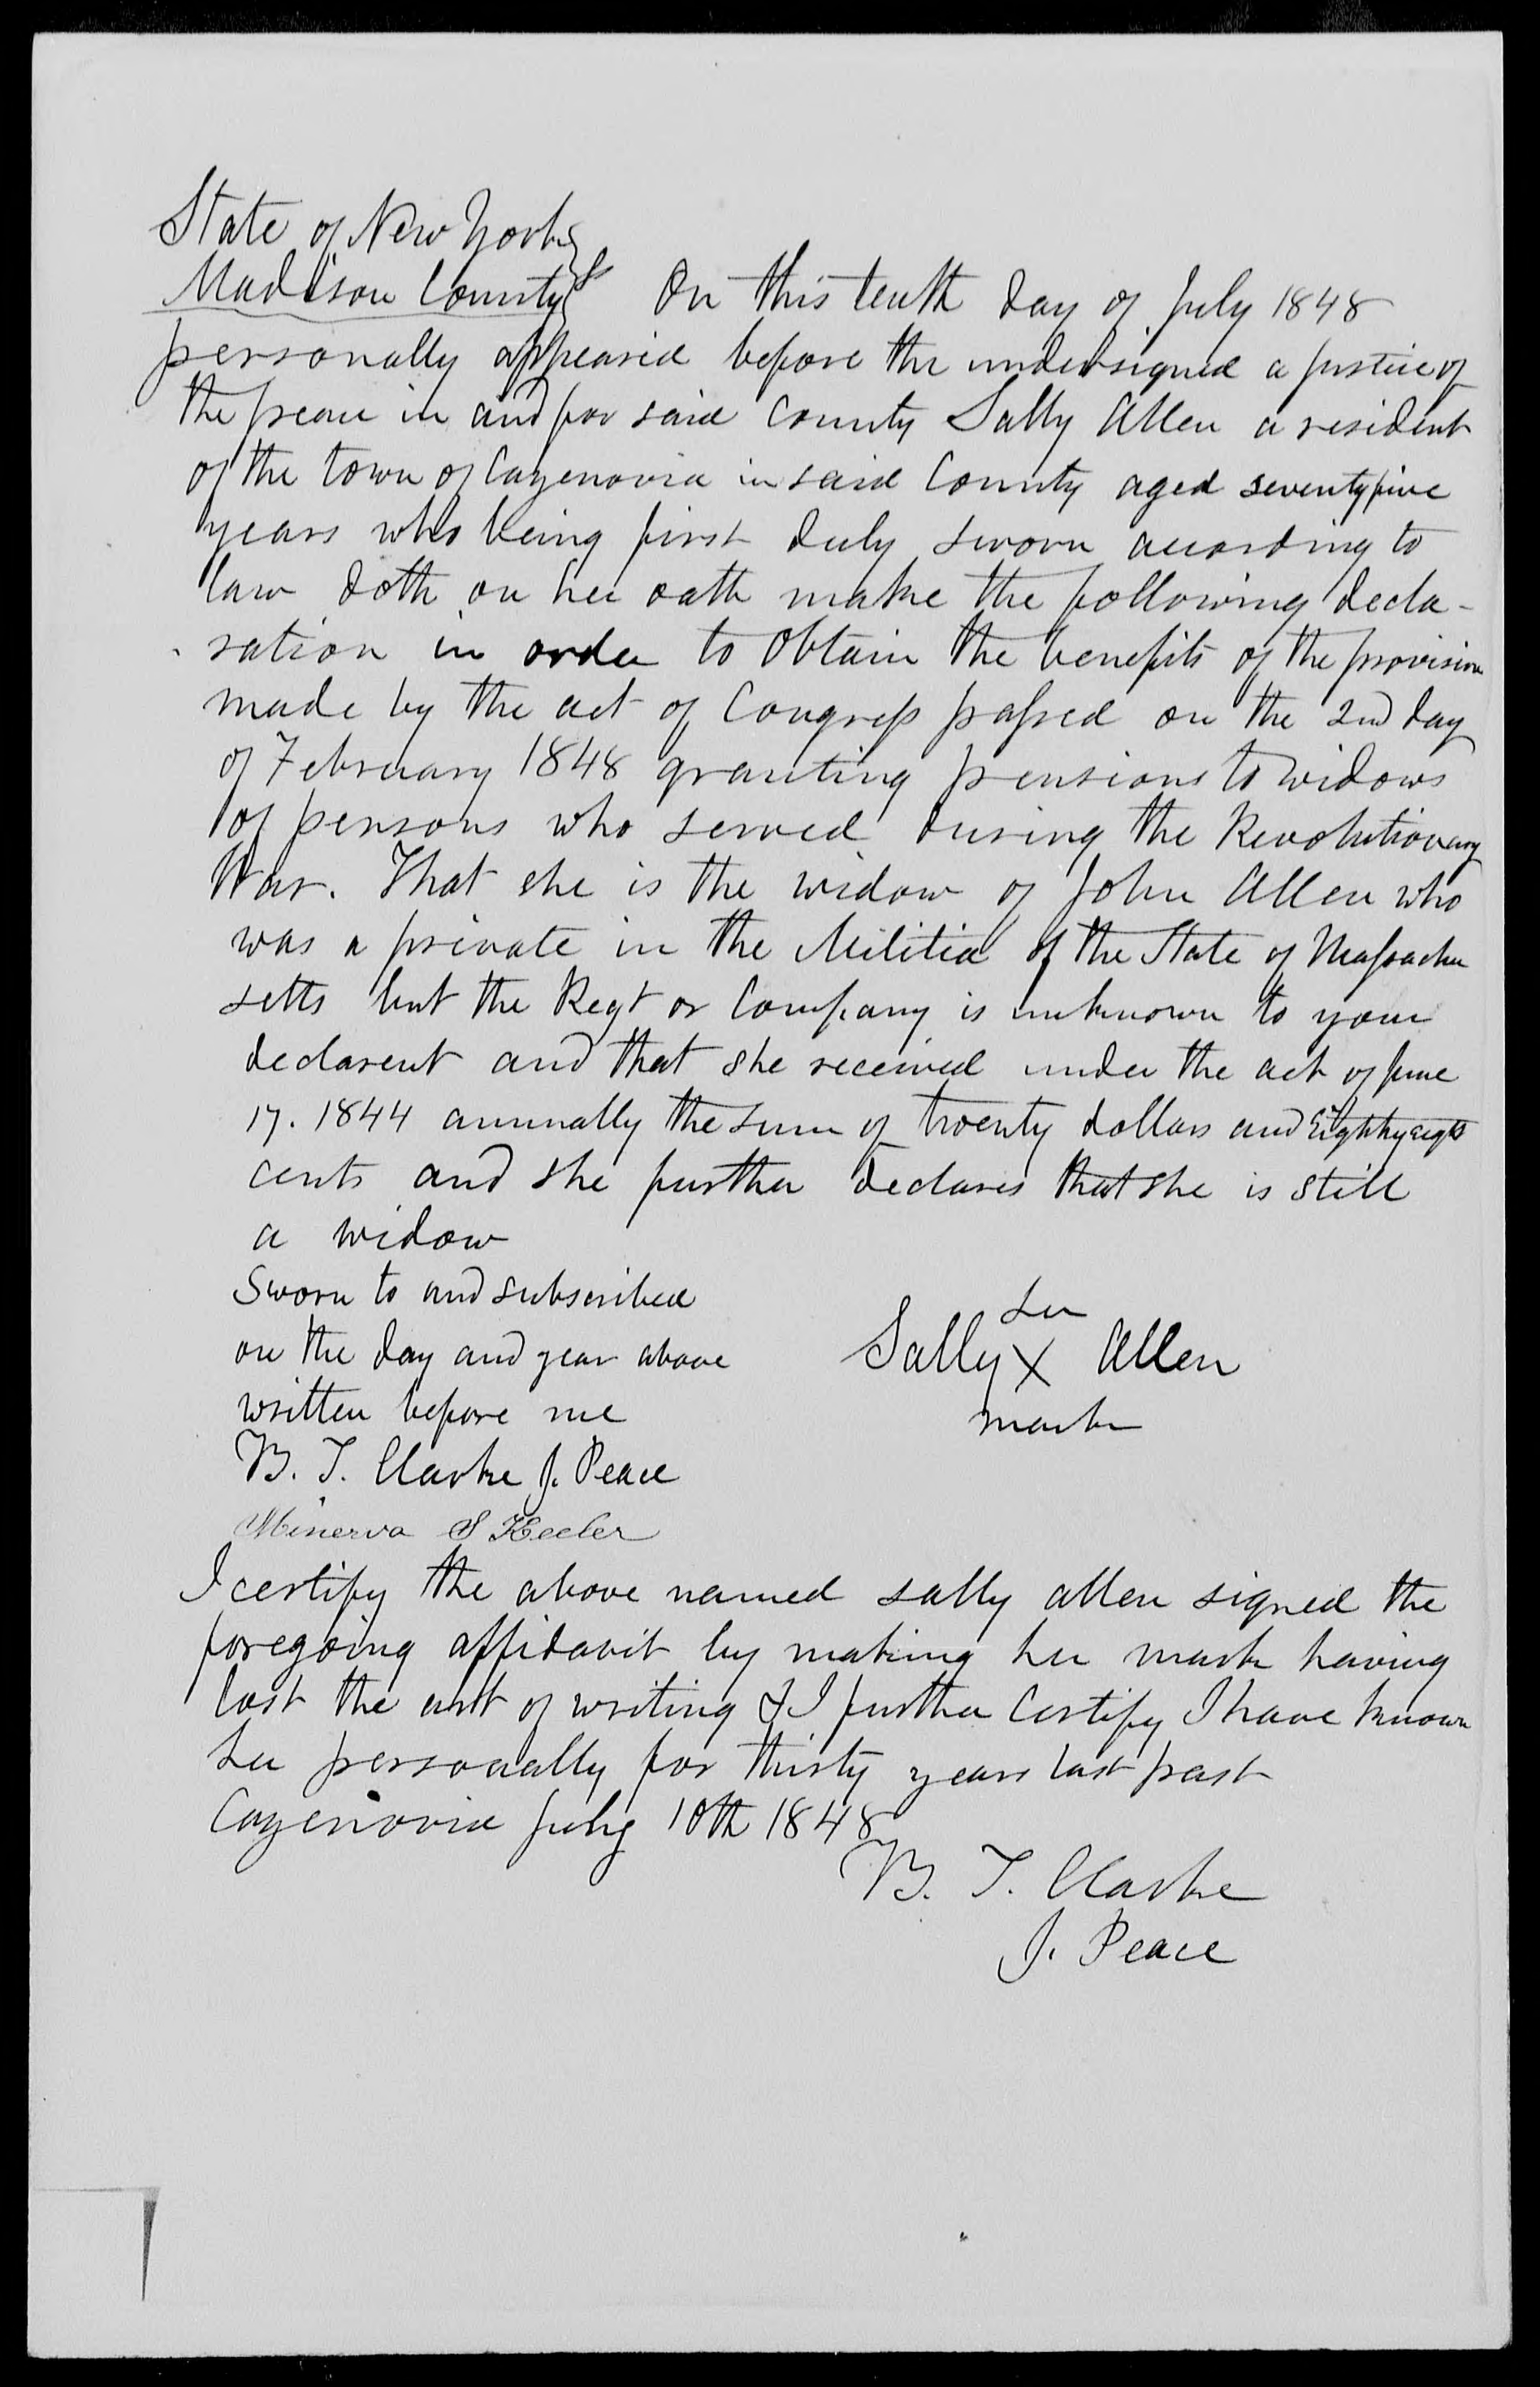State of New York Madison County} ss. On this tenth day of July 1848 personally appeared before the undersigned a Justice of the peace in and for said County Sally Allen a resident of the town of Cazenovia in said County aged seventy five years who being first duly sworn according to law doth on her oath make the following declaration in order to obtain the benefits of the provision made by the act of Congress passed on the 2nd day of February 1848 granting pensions to widows of persons who served during the Revolutionary War . That she is the widow of John Allen who was a private in the Militia of the State of Massachusetts but the Regt or Company is unknown to your declarent [sic] and that she received under the act of June 17. 1844 annually the sum of twenty dollars and Eighty eight cents and she further declares that she is still a widow 
Sally Allen
Her mark X [signature]
Sworn to and subscribed on the day and year above written before me
B. T. Clarke J. Peace  
Minerva S Becker [signature]
I certify the above named Sally Allen signed the foregoing affidavit by making her mark having lost the art of writing & I further certify I have known her personally for thirty years last past 
Cazenovia July 10th 1848 
B. T. Clarke J. Peace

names: Sally Allen, Sally Allen, Minerva S Keeler, Sally Allen, B T Clarke, John Allen, B T Clarke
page: 59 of 74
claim: widow's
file: W. 23424, John Allen, Mass. R. I.